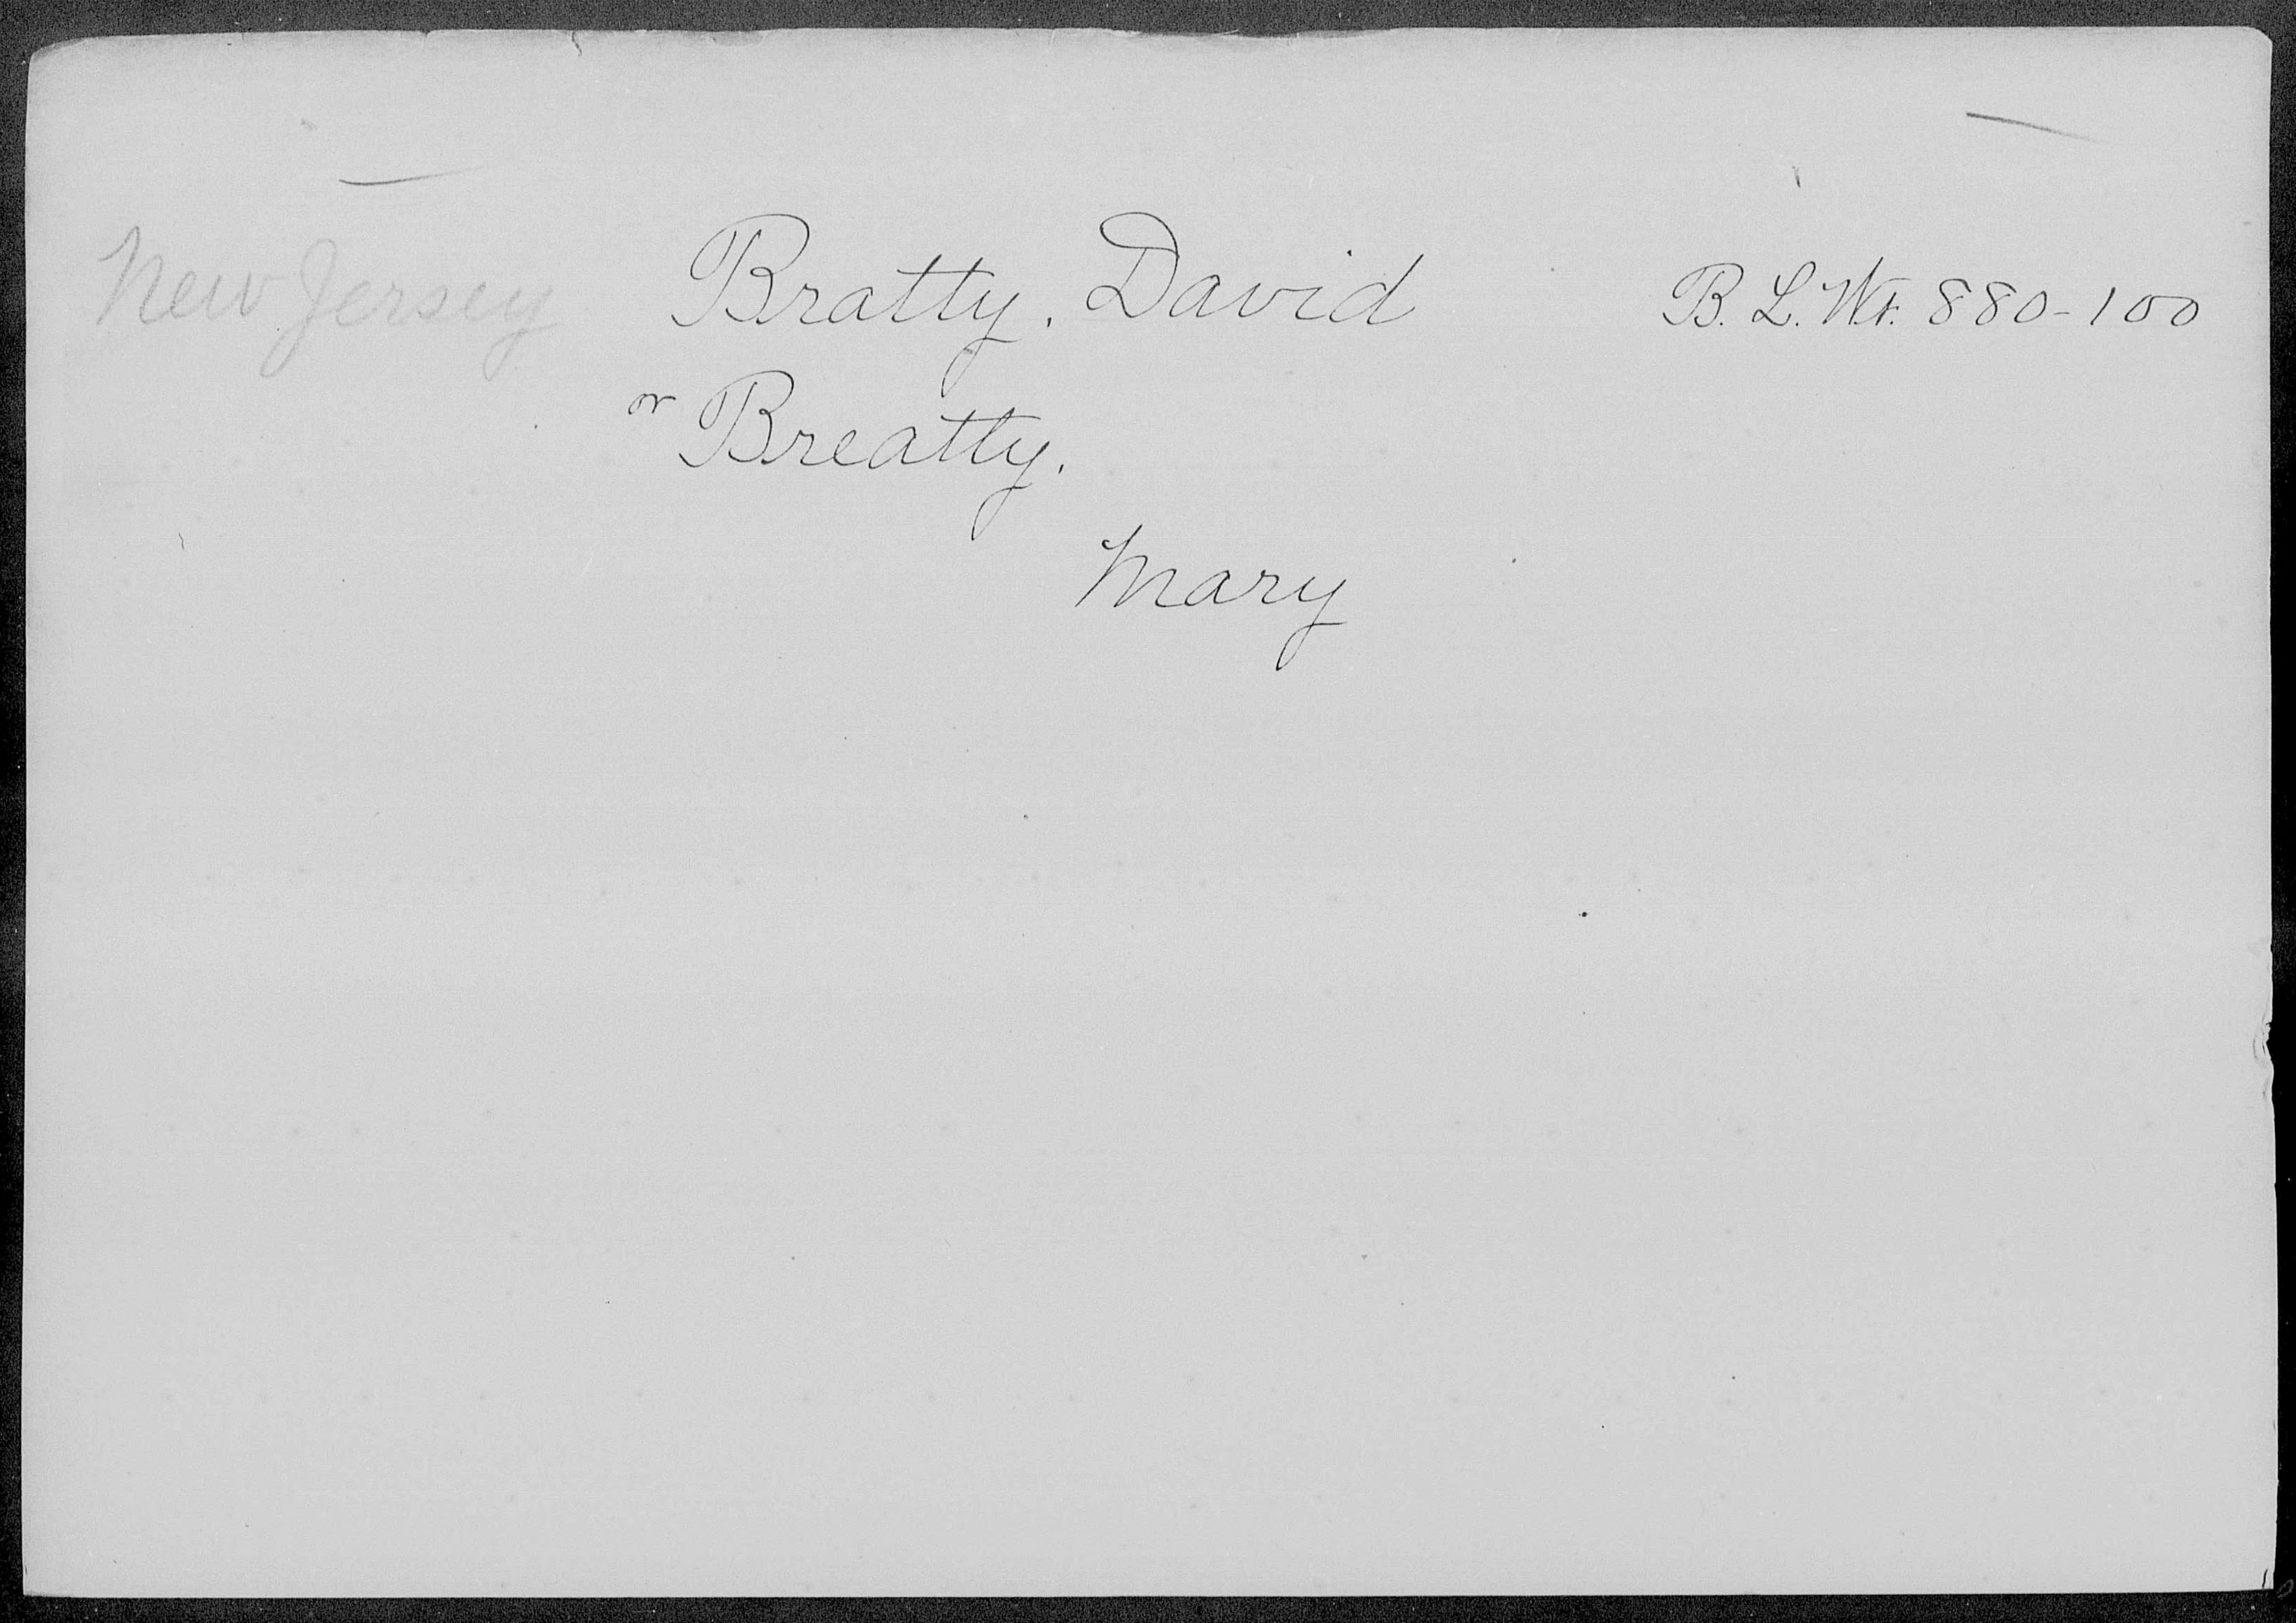New Jersey Bratty, David   B.L.W:880-100
or Breatty,
Mary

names: David Breatty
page: 1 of 1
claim: bounty land warrant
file: B. L. Wt. 880-100, David Bratty, New Jersey